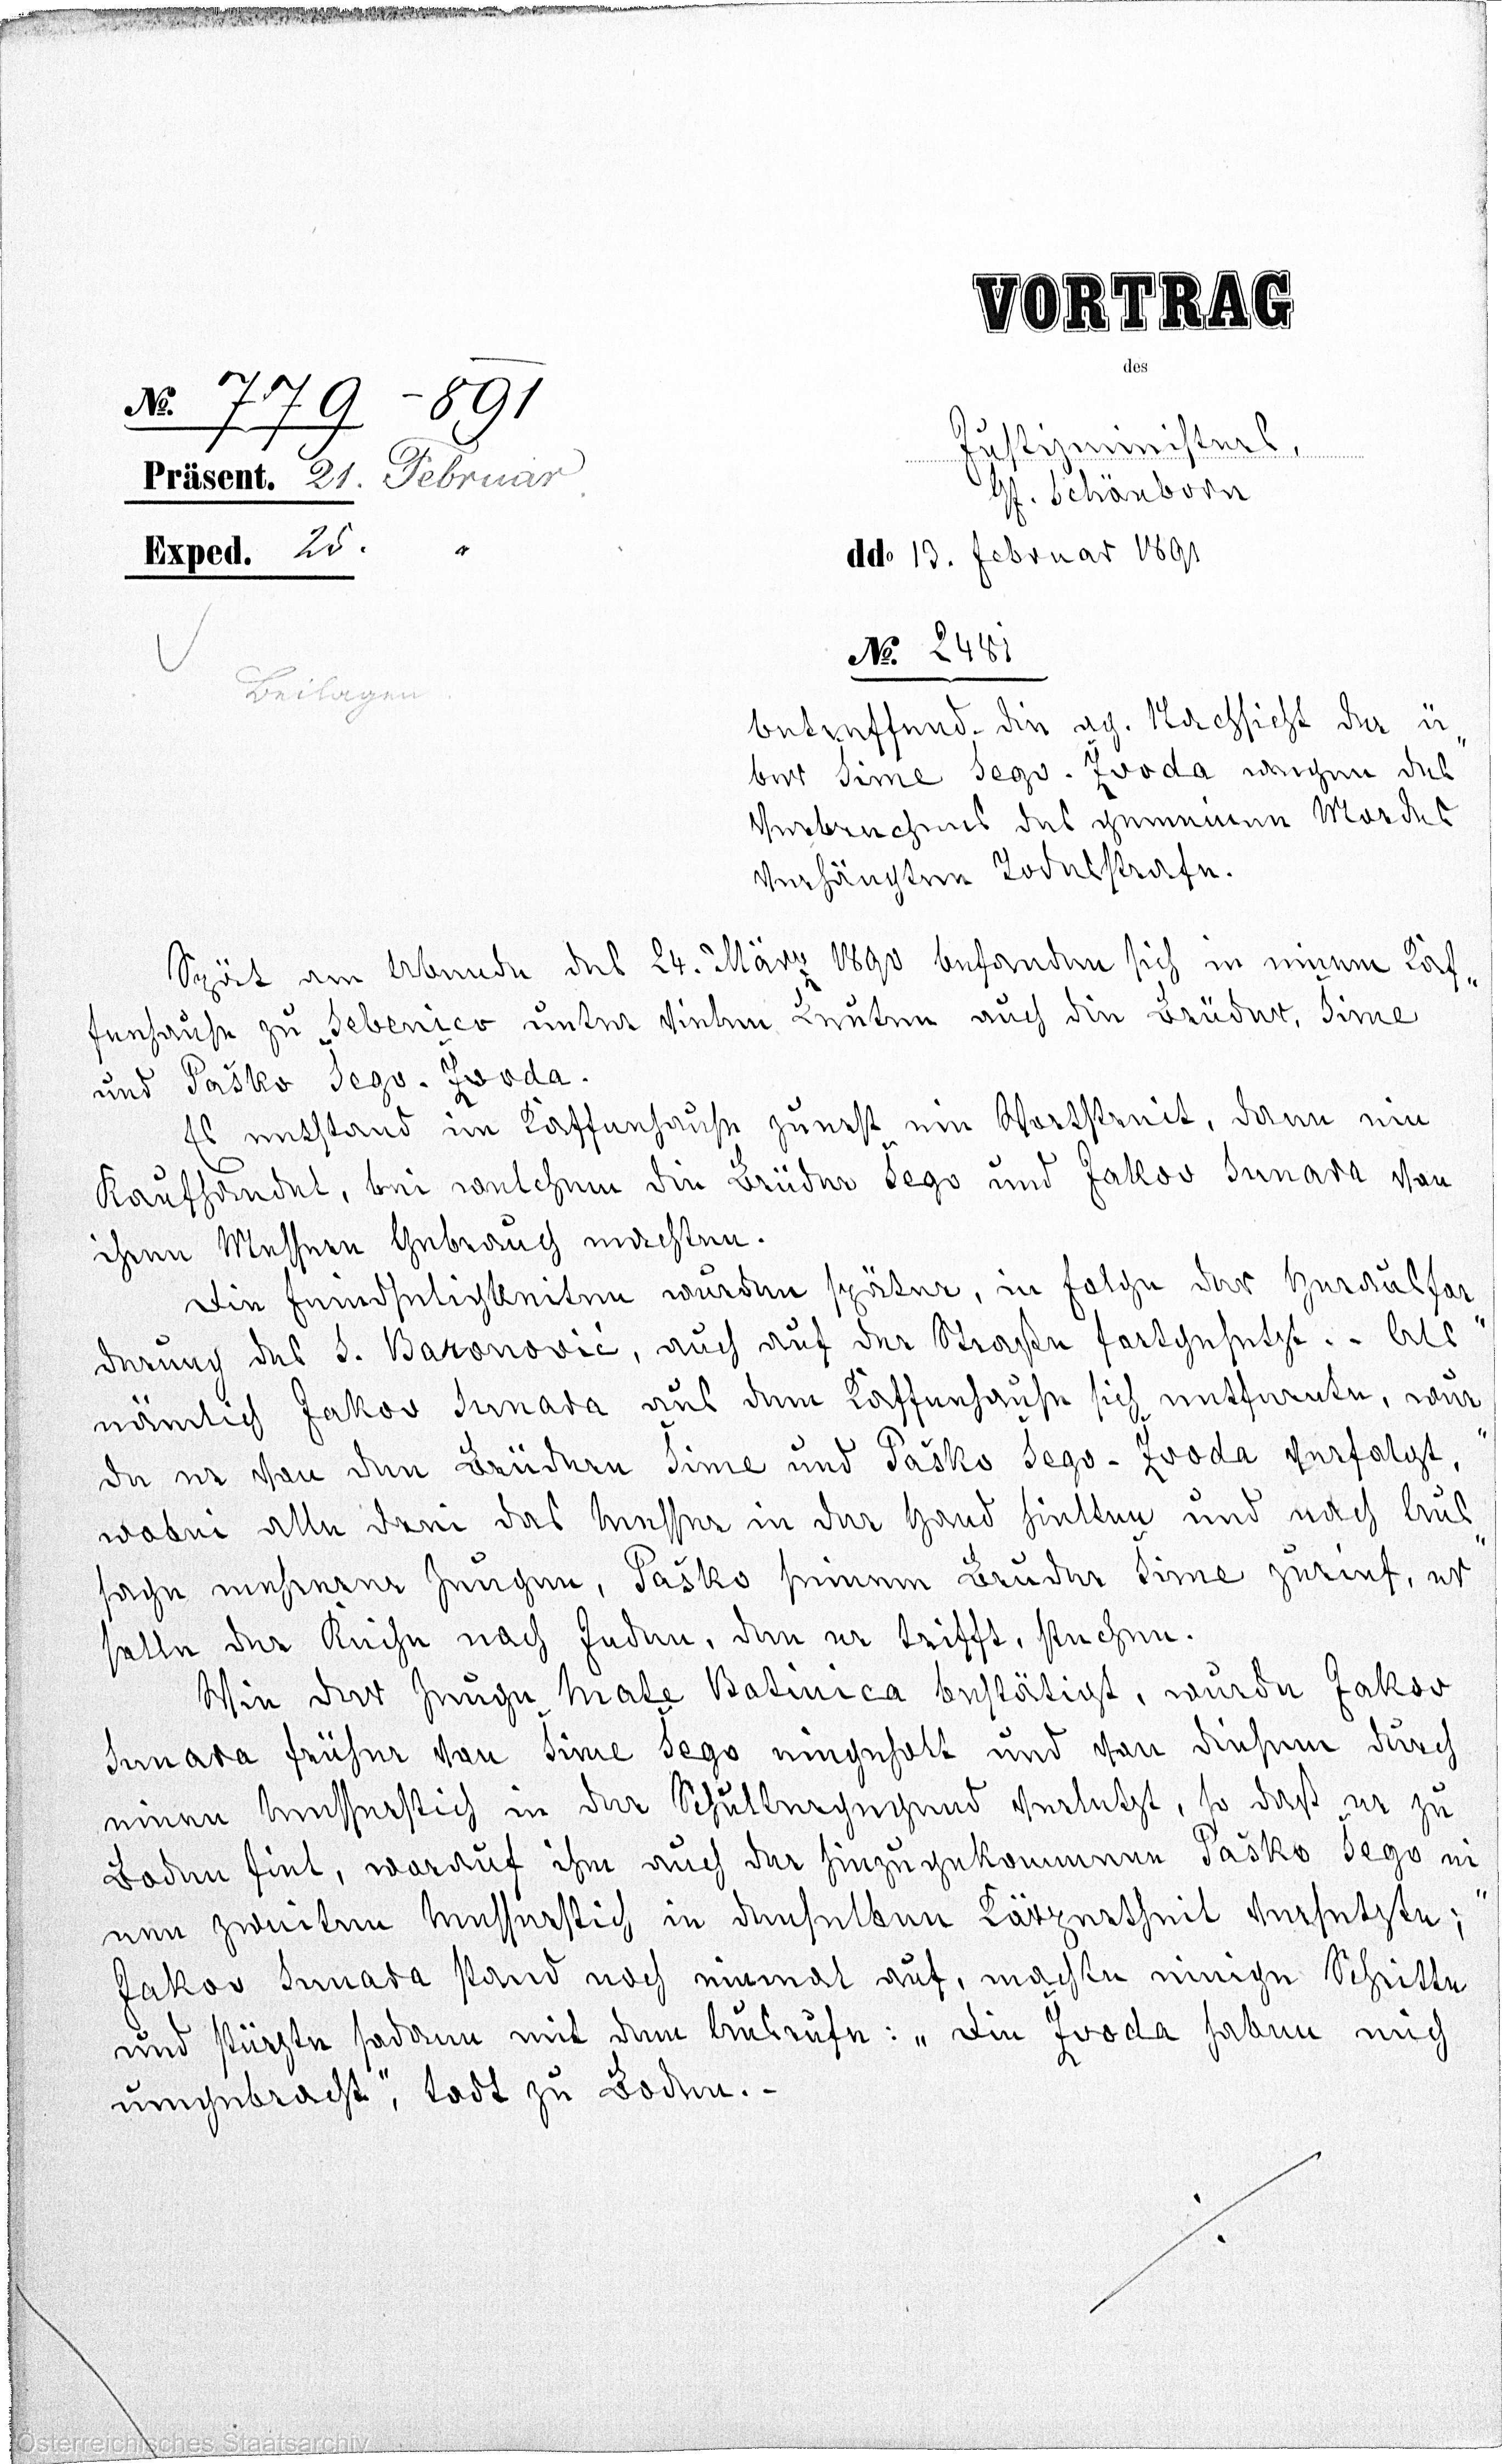No. 779 – 1891
Präsent. 21. Februar
Expedit 25. Februar
Beilagen
VORTRAG
des
Justizministers
Gf Schönborn
Ddo 13 Februar 1891
No 2481
Betreffend die ag. Nachsicht der ü¬
ber Šime Šego-Žvoda wegen des
Verbrechens des gemeinen Mordes
verhängten Todesstrafe.
Spät am Abende des 24. März 1890 befanden sich in einem Caf¬
feehause zu Sebenico unter vielem Leuten auch die Brüder, Šime
und Paško Šego-Žvoda.
Es entstand im Kaffeehause zuerst ein Wortstreit, dann ein
Raufhandel, bei welchem die Brüder Šime und Jakov Iunara von
ihren Messern Gebrauch machten.
Die Feindseligkeiten wurden später, in Folge der Herausfor¬
derung des I. Baronović, auch auf der Strase fortgesetzt. Als
nämlich Jakov Iunara aus dem Kaffeehause sich entstanden, wur¬
de er von den Brüder Šime und Paško Šego-Žvoda verfolgt,
wobei alle drei das Messer in der Hand hielten und nach Aus¬
sage mehrere Zeugen, Paško seinem Bruder Šime zurief, er
solle den Reihe nach Jeden, den er trifft, stechen.
Wie der Junge Mate Batinica bestätigt, wurde Jakov
Iunara früher von Šime Šego eingeholt und von diesem durch
einen Messerstich in der Schultergegend verletzt, so daß er zu
Boden fiel, worauf ihm auch der Hinzugekommene Paško Šego ei¬
nen zweiten Messerstich in denselben Körpertheil versetzte;
Jakov stand noch einmal auf, machte einige Schritte
und stützte sodann mit dem Ausrufe: „die Žvoda haben mich
umgebracht,“ todt zu Boden.–